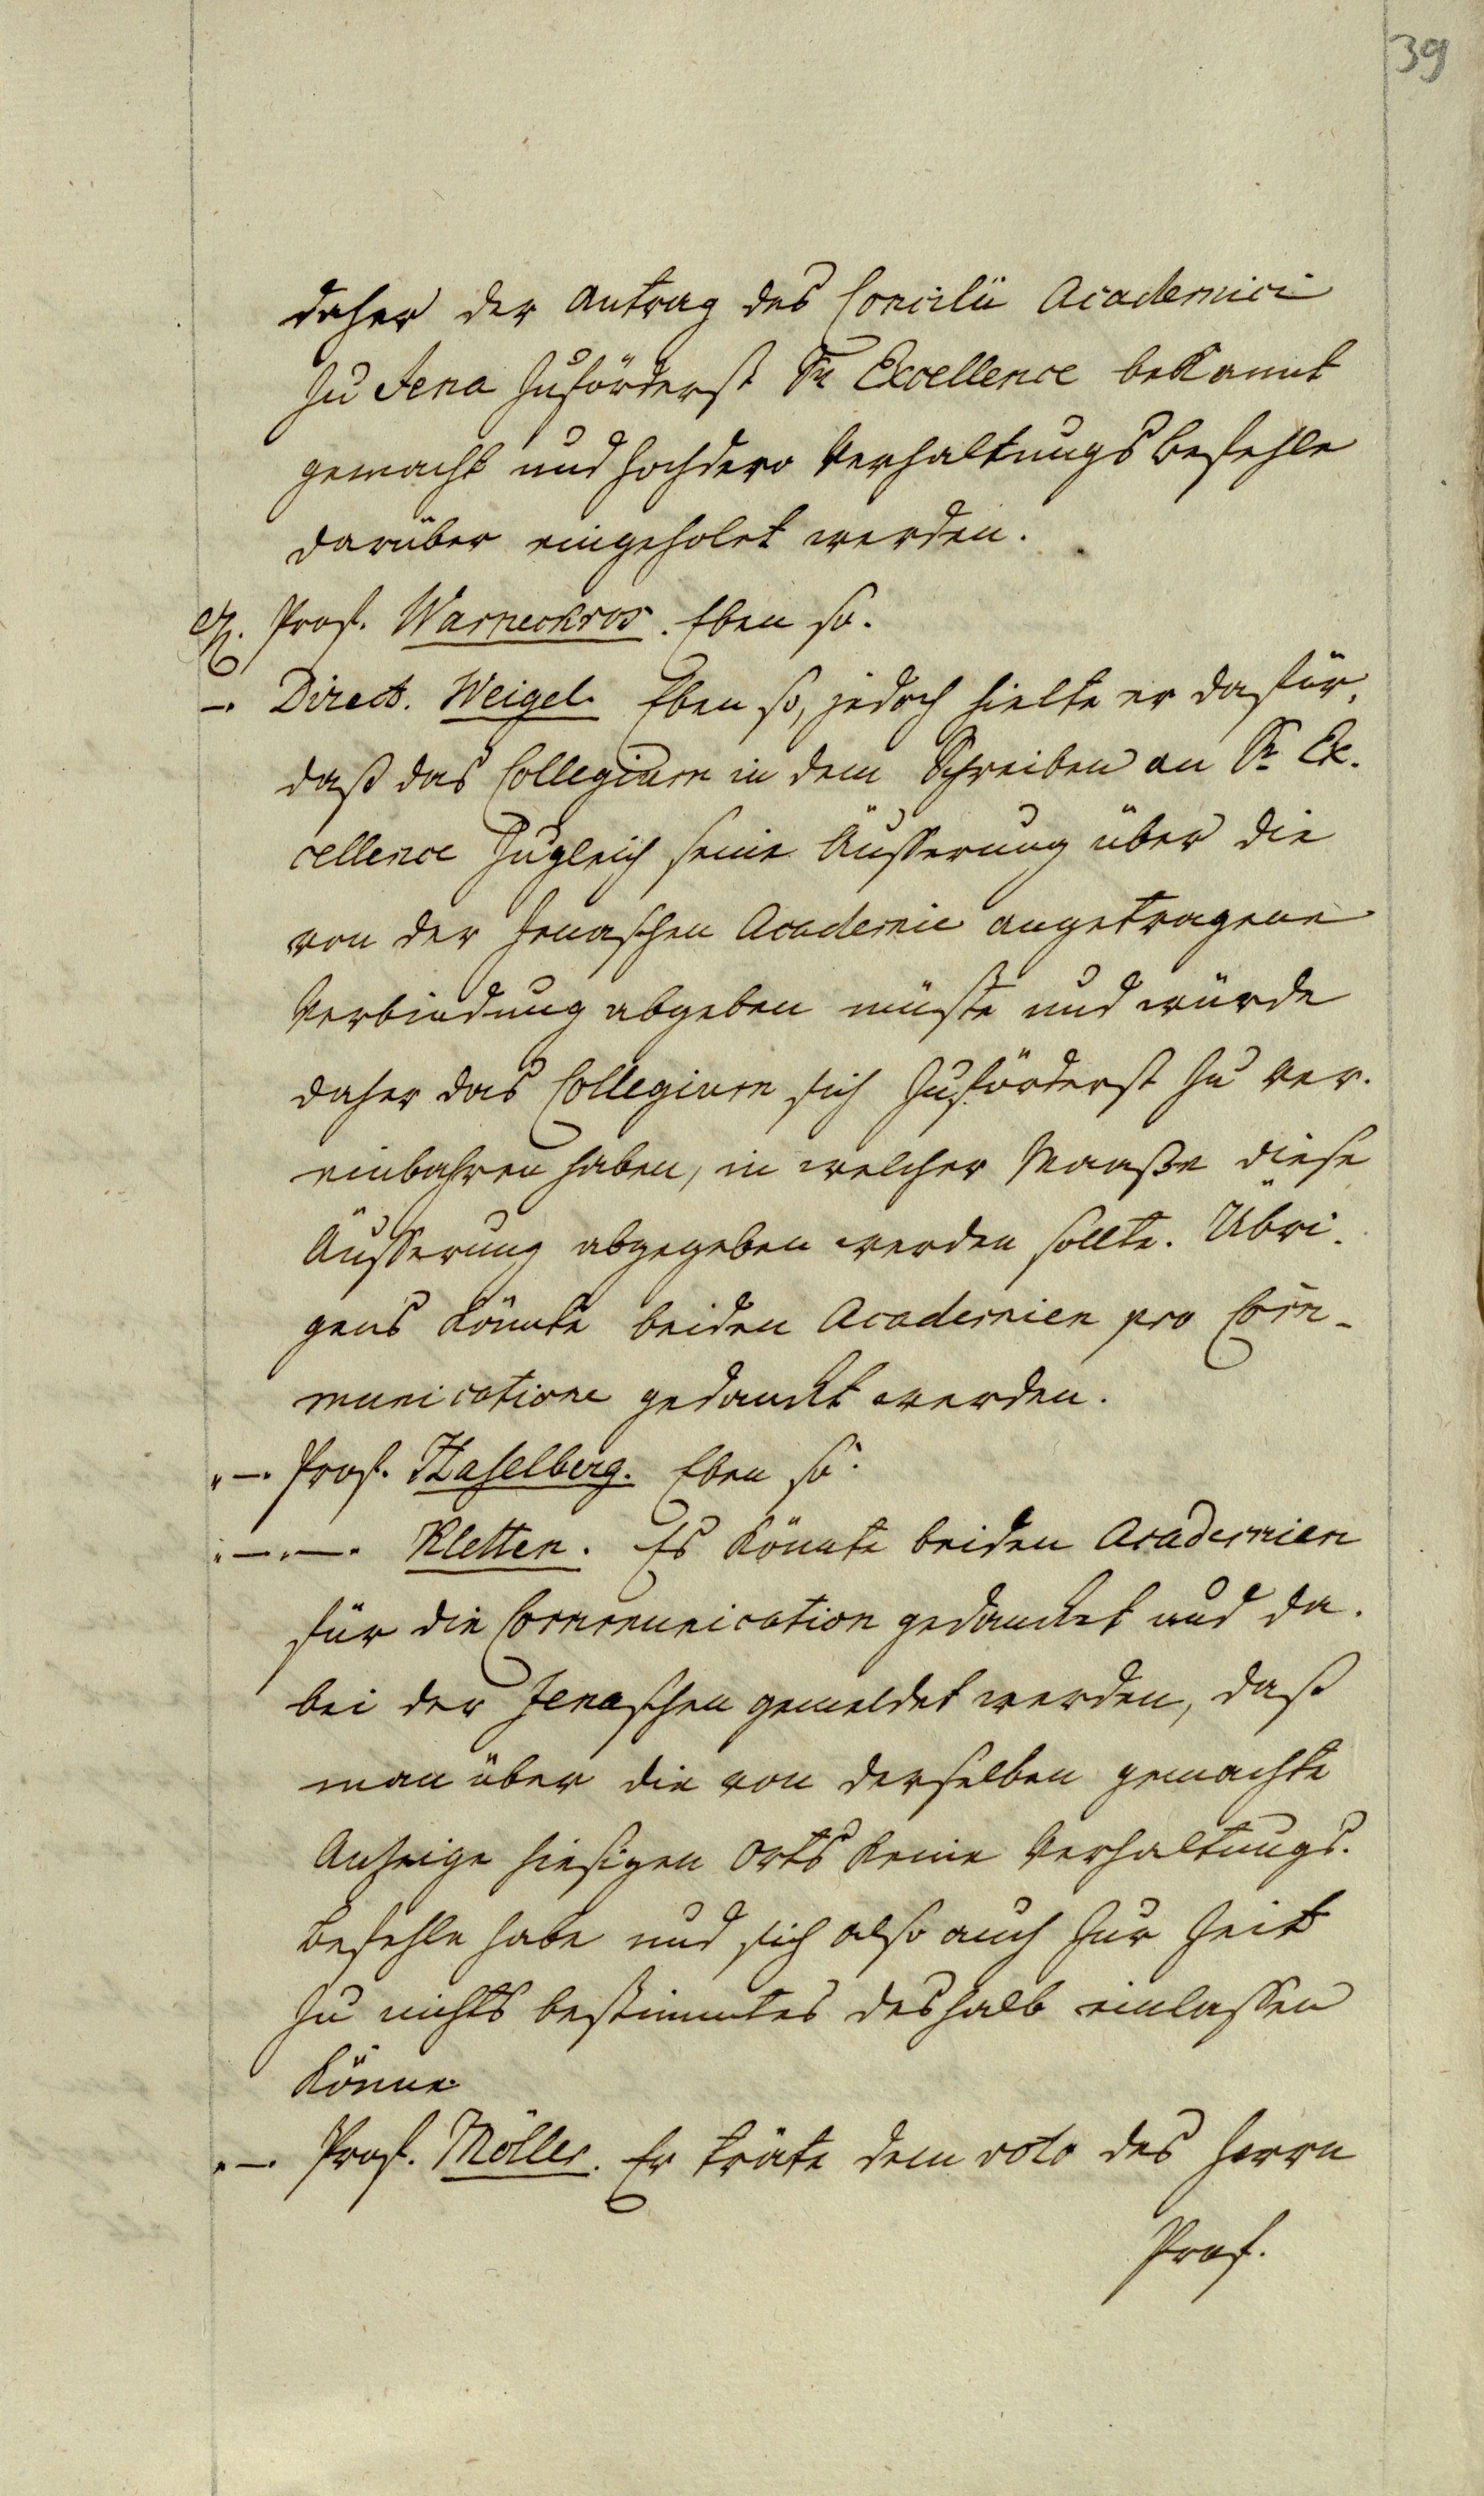daher der Antrag des Concilii Academici
zu Jena zuförderst Sr. Excellence bekannt
gemacht und hochdero Verhaltungs Befehle
darüber eingeholet werden.
dh. Prof. Warneckros. Eben so.
— " Direct. Weigel. Eben so, jedoch hielte er dafür,
daß das Collegium in dem Schreiben an Sr. Ex¬
cellence zugleich seine Äusserung über die
von der Jenaschen Academie angetragene
Verbindung abgeben müsste und würde
daher das Collegium sich zuförderst zu ver¬
einbahren haben, in welcher Maaße diese
Äusserung abgegeben werden sollte. Übri¬
gens könnte beiden Academien pro Com¬
municatione gedanckt werden.
" — " Prof. Haselberg. Eben so.
" — " — " Kletten. Es könnte beiden Academien
für die Communication gedancket und da¬
bei der Jenaschen gemeldet werden, daß
man über die von derselben gemachte
Anzeige hiesigen Orts keine Verhaltungs¬
Befehle habe und sich also auch zur Zeit
zu nichts bestimmtes deshalb einlassen
könne.
" — " Prof. Möller. Er träte dem voto des Herrn
Prof.